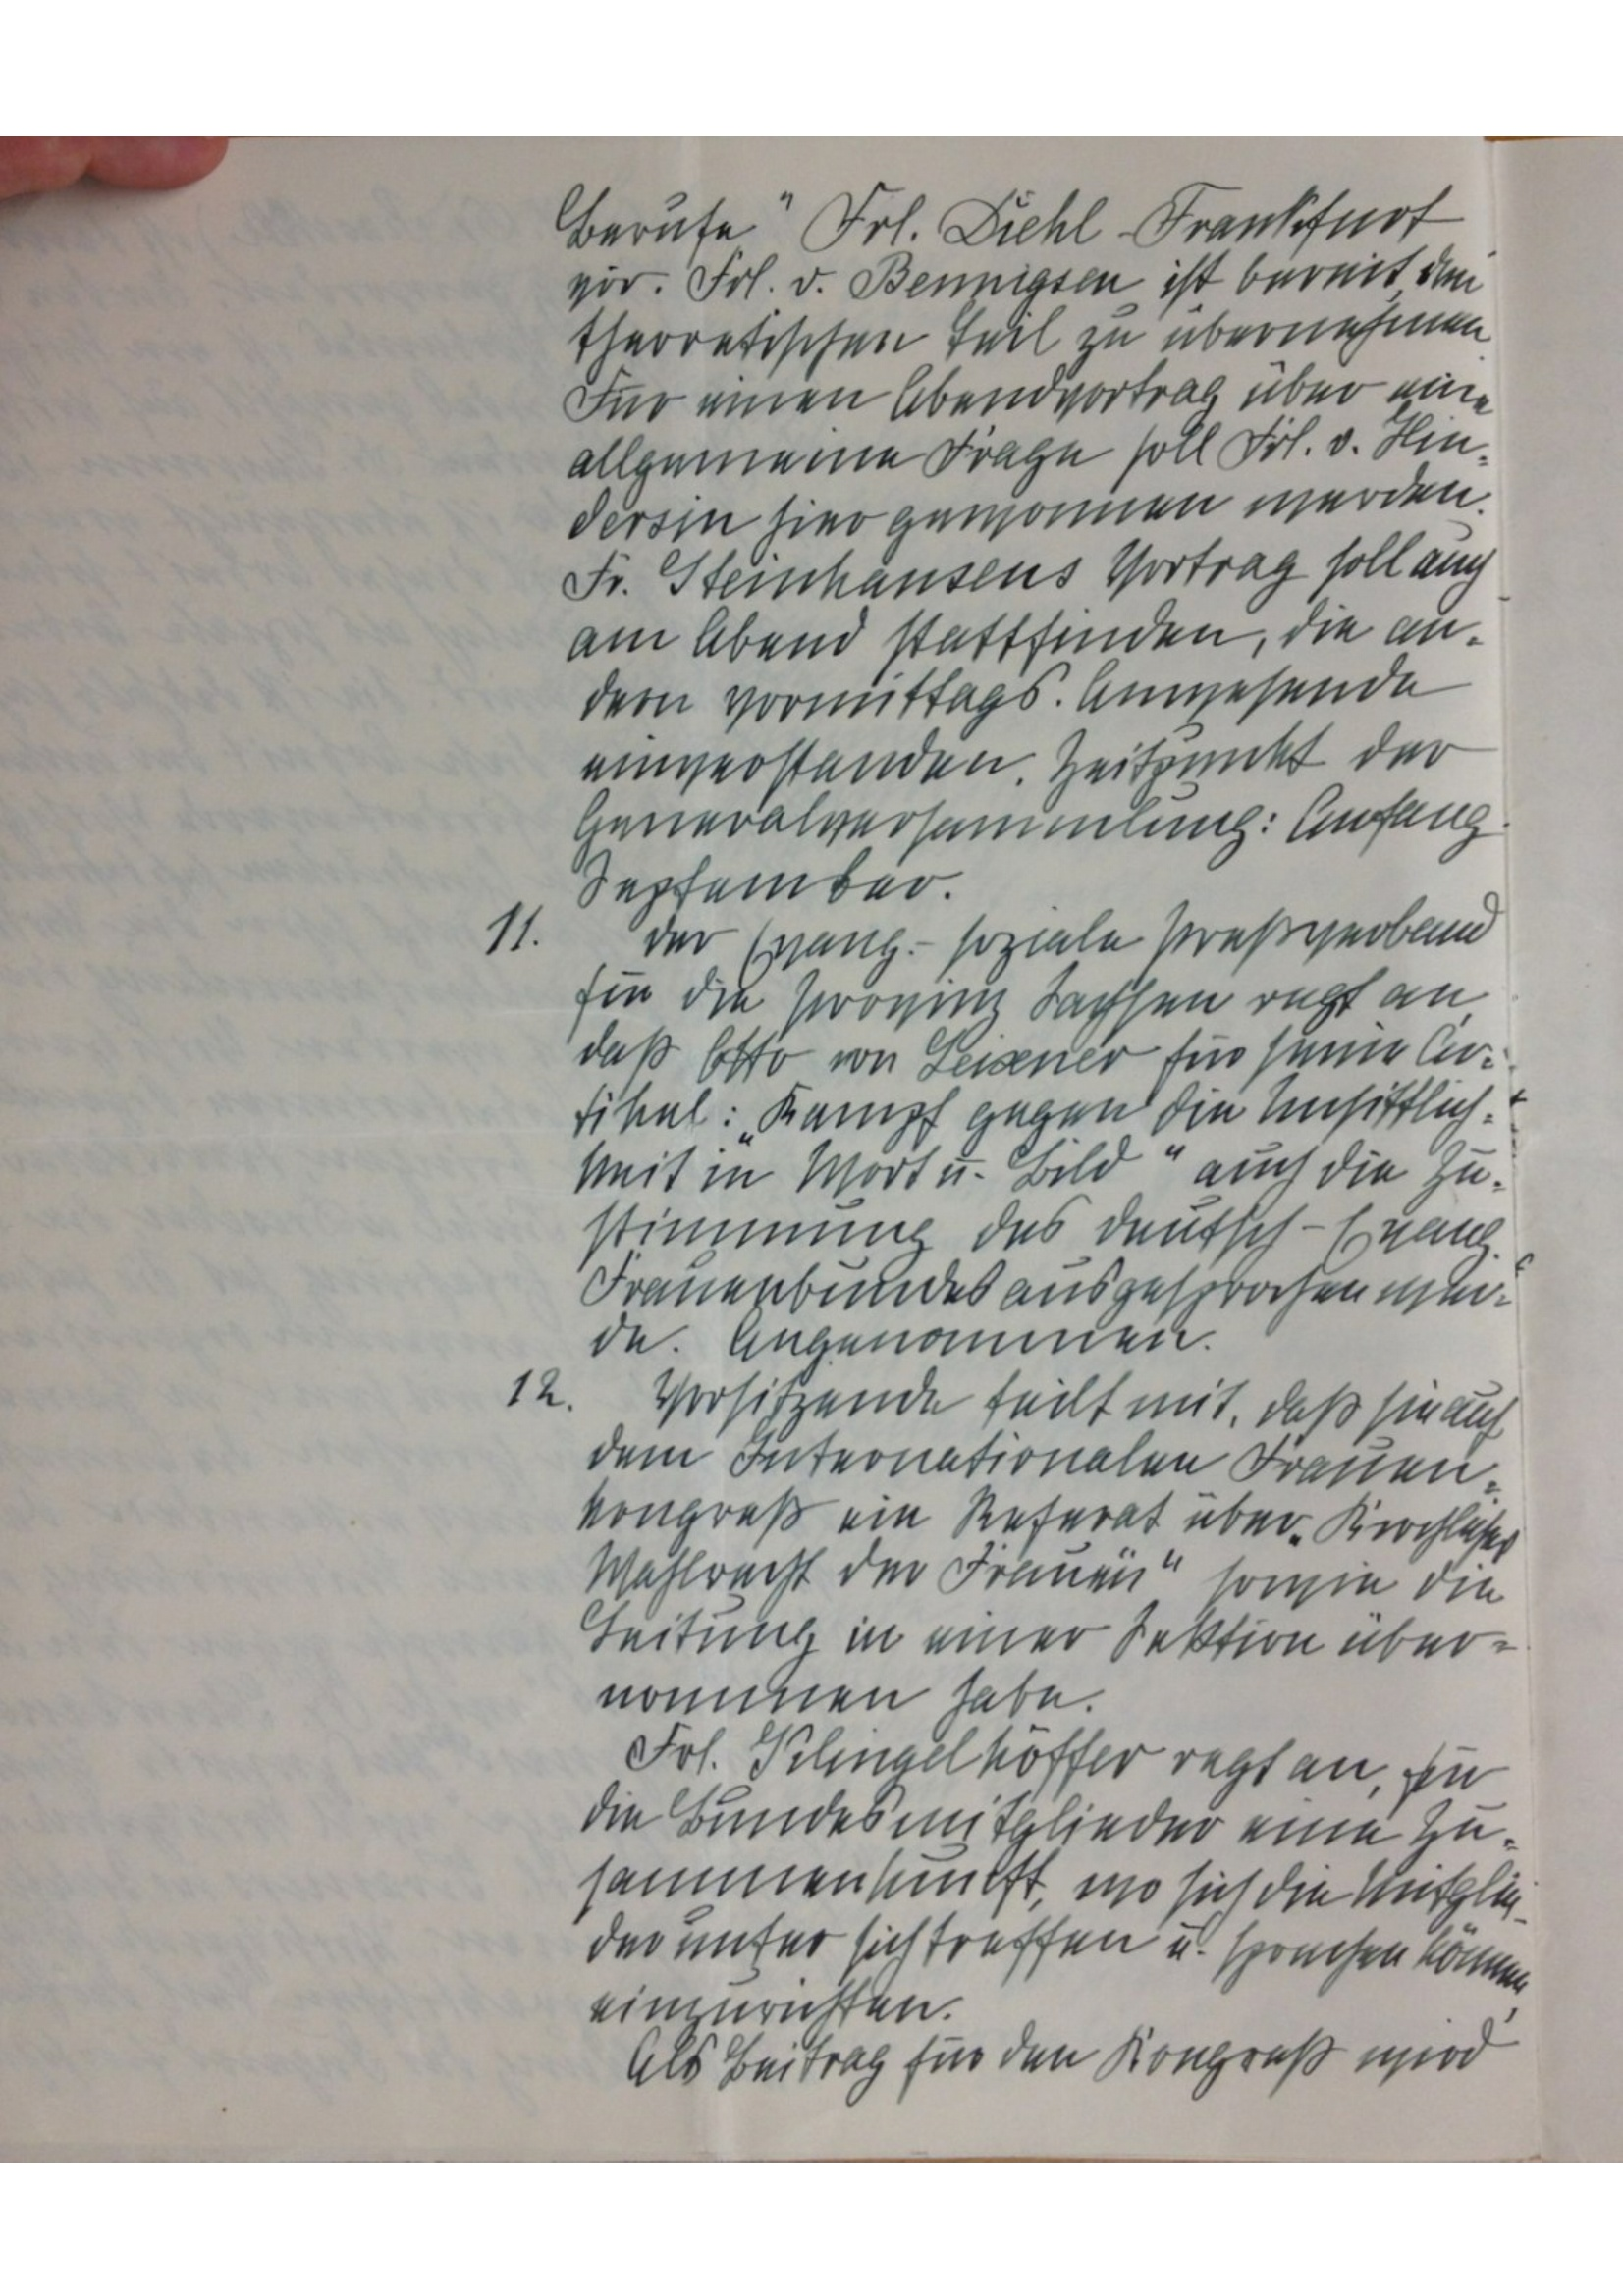11
12
Bunde" Frl. Diehl - Frankfurt
vor. Frl. v. Bennigsen ist bereit den
theoritischen Teil zu übernehmen.
Für einen Abendvortrag über eine
allgemeine Frage soll Frl. v. Hun
dersin hier gewonnen werden.
Fr. Steinhausens Vortrag soll auch
am Abend stattfinden, die an
deren Vormittags, Anwesende
einverstadnen. Zeitpunkt der
Generalversammlung: Anfang
September.
Der Evang.-sozial Preßverband
für die Provins Sachsen seagt an,
Daß Lotte von Leixner für seine Ar
tikel: „Kampf gegen die Unsittlich
keit in Wort u. Bild" auf die Zu
stimmung des Deutsch-Evang
Frauenbundes ausgesrpochen wer
de. Angenommen
Vorsitzende teilt mit, daß sie auf
dem Internationalen Frauen
Kongreß ein Refrat über „Kirchliches
Wahlrecht der Frauen" sowie die
Leitung einer Sektion über-
nommen habe.
Frl. Klingelhöffer regt an, für
die Bundesmitglieder eine Zu
sammenkunft, wo sich die Mitglie
der unter sich treffen u. sprechen können
einzurichten.
Als Beitrag für den Kongreß wird